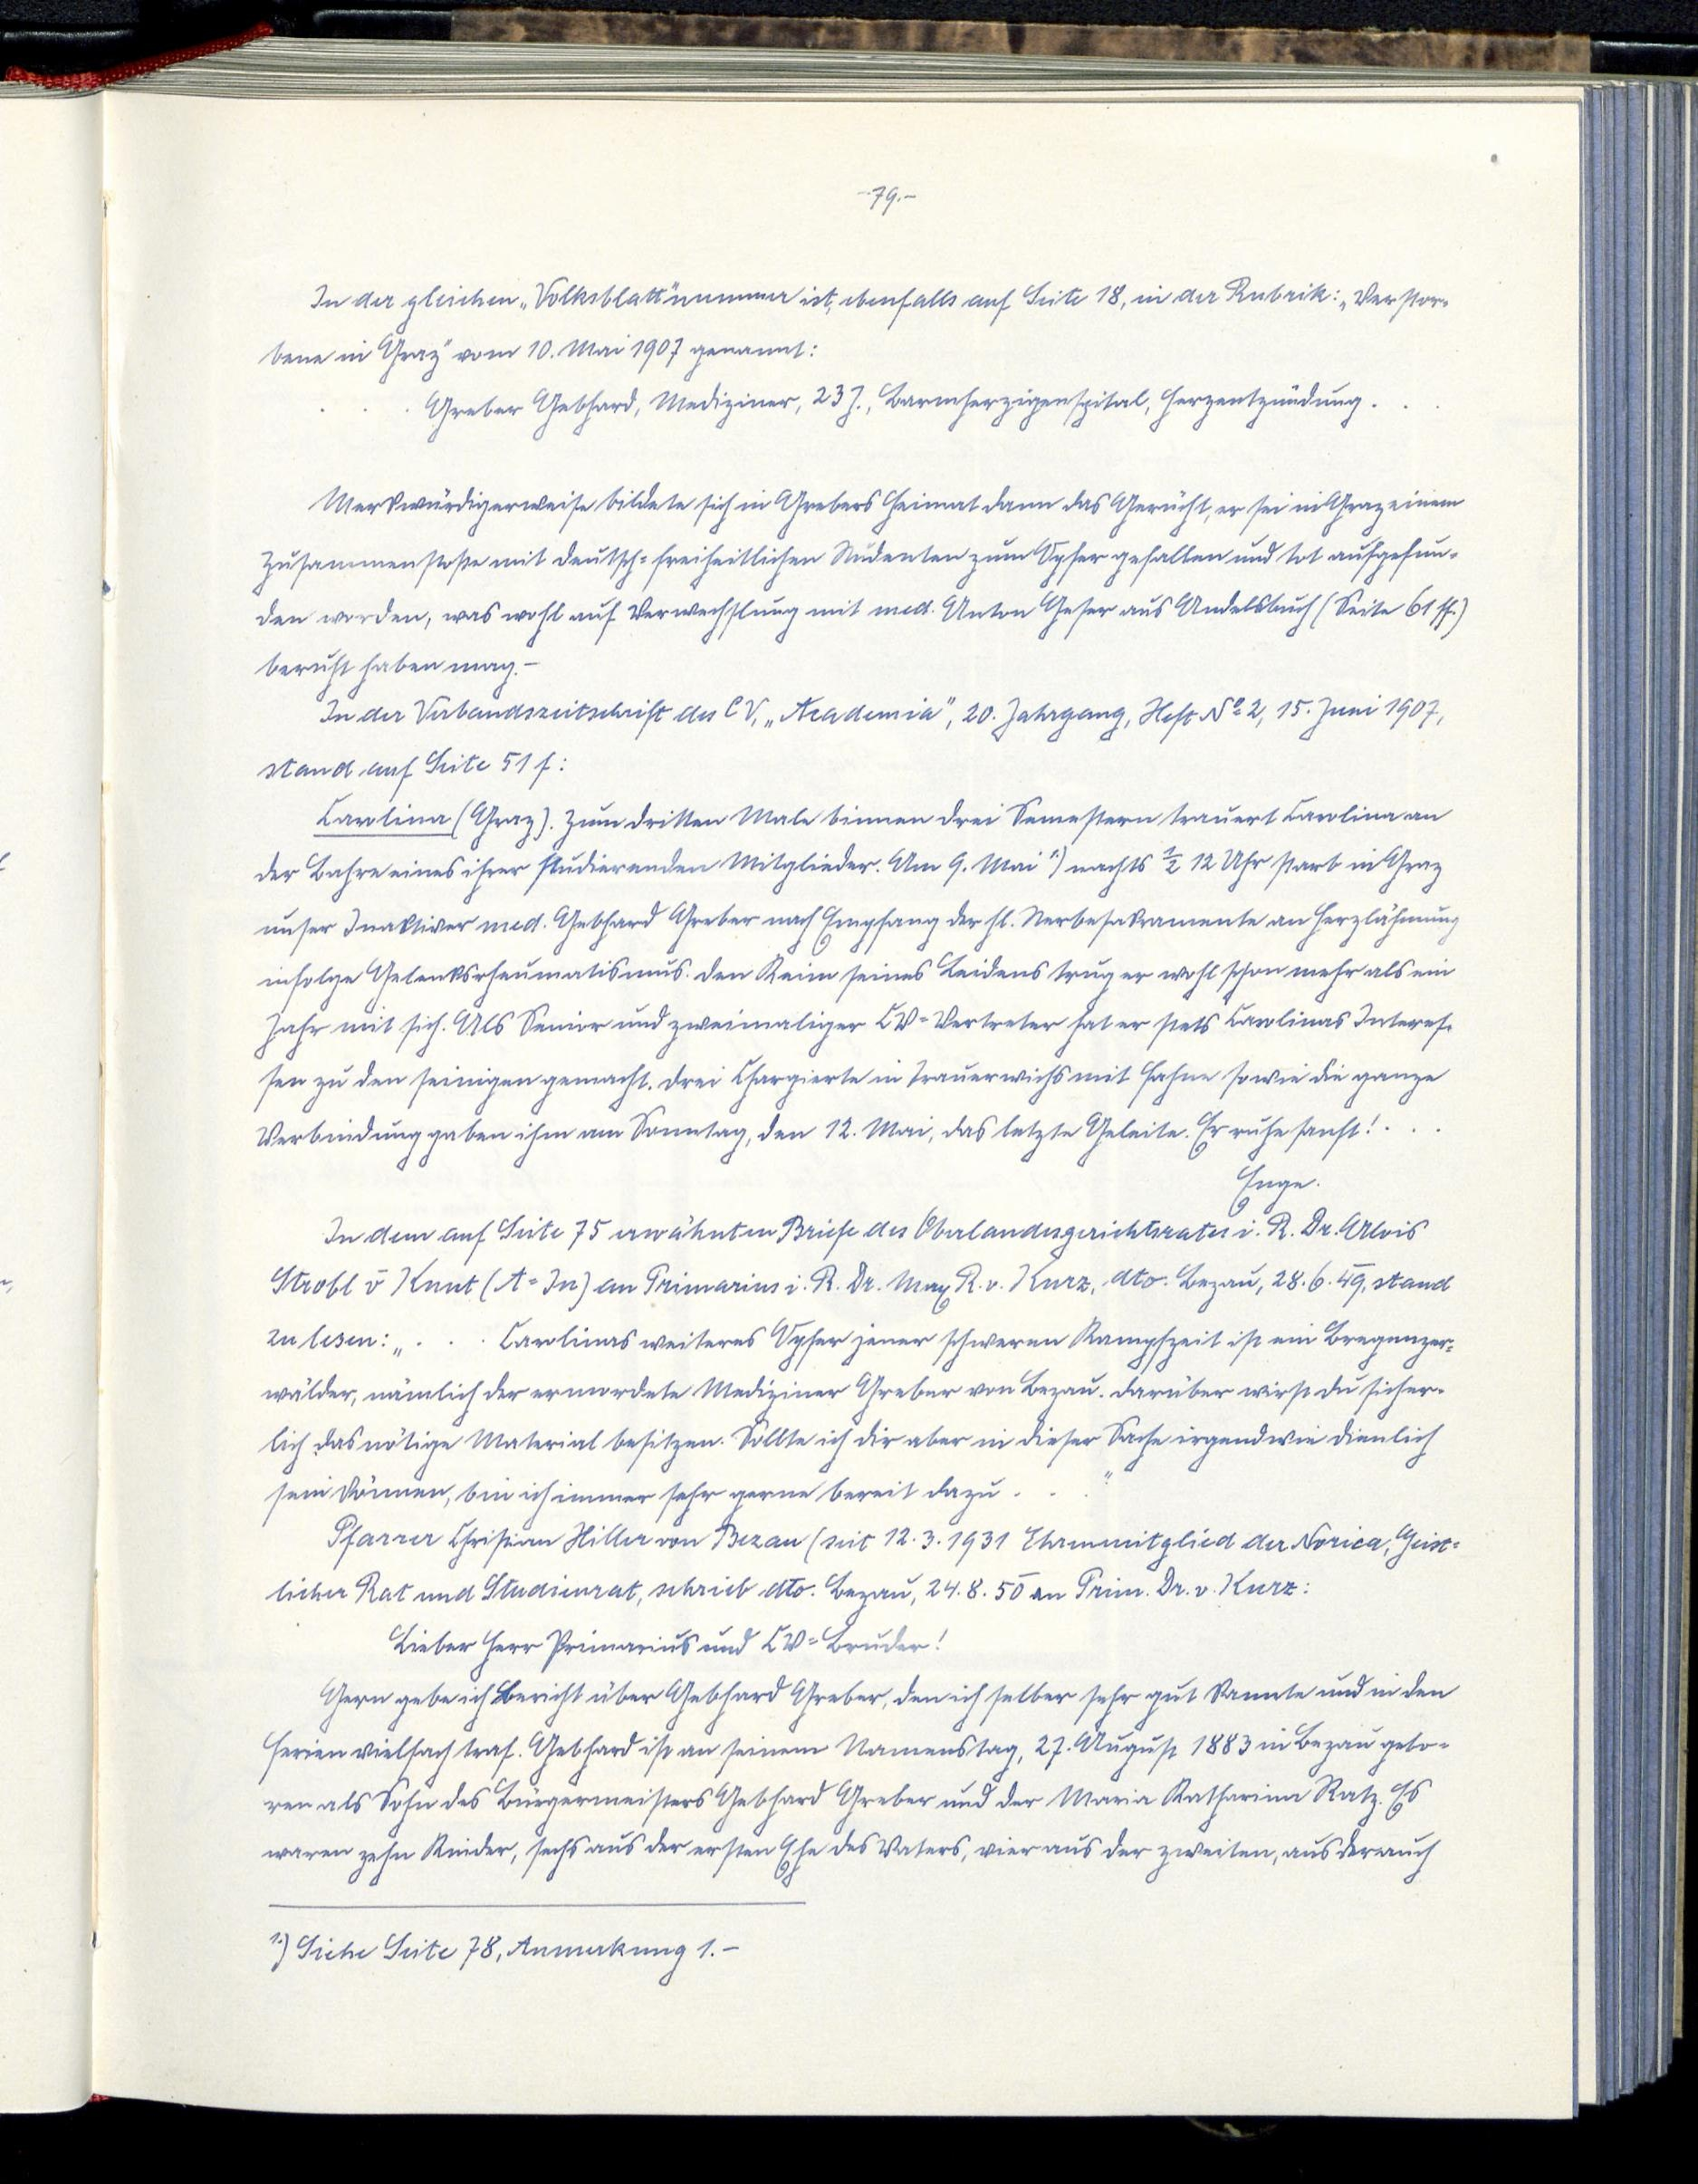79
In der gleichen „Volksblatt"nummer ist ebenfalls auf Seite 18, in der Rubrik: „Verstor
bene in Graz" vom 10. Mai 1907 genannt:
Greber Gebhard, Mediziner, 23 J. Barmherzigenspital, Herzentzündung-
Merkwürdigerweise bildete sich in Grebers Heimat dann das Gerücht, er sei in Graz einem
Zusammenstoße mit deutsch- freiheitlichen Studenten zum Opfer gefalen und tot aufgefun-
den worden, was wohl auf Verwechslung mit med. Anton Geser aus Andelsbuch (Seite 61 ff.)
beruht haben mag.
In der Verbandszeitschift des CV „Academia", 20. Jahrgang, Heft. No 2, 15. Juni 1907,
stand auf Seite 51 f:
Carolina (Graz). Zum dritten Male binnen drei Semestern trauert Carolina an
der Bahre eines ihrer studierenden Mitglieder. Am 9. Mai 1) nachts 1/2 12 Uhr starb in Graz
unser Inaktiver med. Gebhard Greber nach Enpfang der hl. Sterbesakamente an Herzlähmung
infolge Gelenksrheumatismus. Den Keim seines Leidens trug er wohl schon mehr als ein
Jahr mit sich. Als Senior und zweimaliger CV-Vertreter hat er stets Carolinas Interes-
sen zu den seinigen gemacht. Drei Chargierte in Trauerwichs mit Fahne sowie die ganze
Verbindung gaben ihm am Sonntag, den 12. Mai, das letzte Geleite. Er ruhe sanft!-
Enge.
In dem auf Seite 75 erwähnten Briefe des Oberlandesgerichtrates i. R. Dr. Alois
Strobl v/o Knut (A- In) an Primarius i. R. Dr. Max R. v. Kurz, dto. Bezau, 28.6. 49 stand
zu lesen: "Carolinas weiteres Opfer jener schweren Kampfzeit ist ein Bregenzer-
wälder, nämlich der ermordete Mediziner Greber von Bezau. Darüber wirst du sicher-
lich das nötige Material besitzen. Sollte ich dir aber in dieser Sache irgendwie dienlich
sein können, bin ich immer sehr gerne bereit dazu..."
Pfarrer Christian Hiller von Bezau (seit 12.3. 1931 Ehrenmitglied der Norica, Geist-
licher Rat und Studienrat, schrieb dto. Bezau, 24.8. 50 an Prim. Dr. v. Kurz:
Lieber Herr Primarius und CV-Bruder!
Gern gebe ich Bericht über Gebhard Greber, den ich selber sehr gut kannte und in den
Ferien vielfach traf. Gebhard ist an seinem Namenstag, 27. August 1883 in Bezau gebo-
ren als Sohn des Bürgermeisters Gebhard Greber und der Maria Katharina Ratz. Es
waren zehn Kinder, sechs aus der ersten Ehe des Vaters, vier aus der zweiten, aus der auch
1.) Siehe Seite 78, Anmerkung 1.-